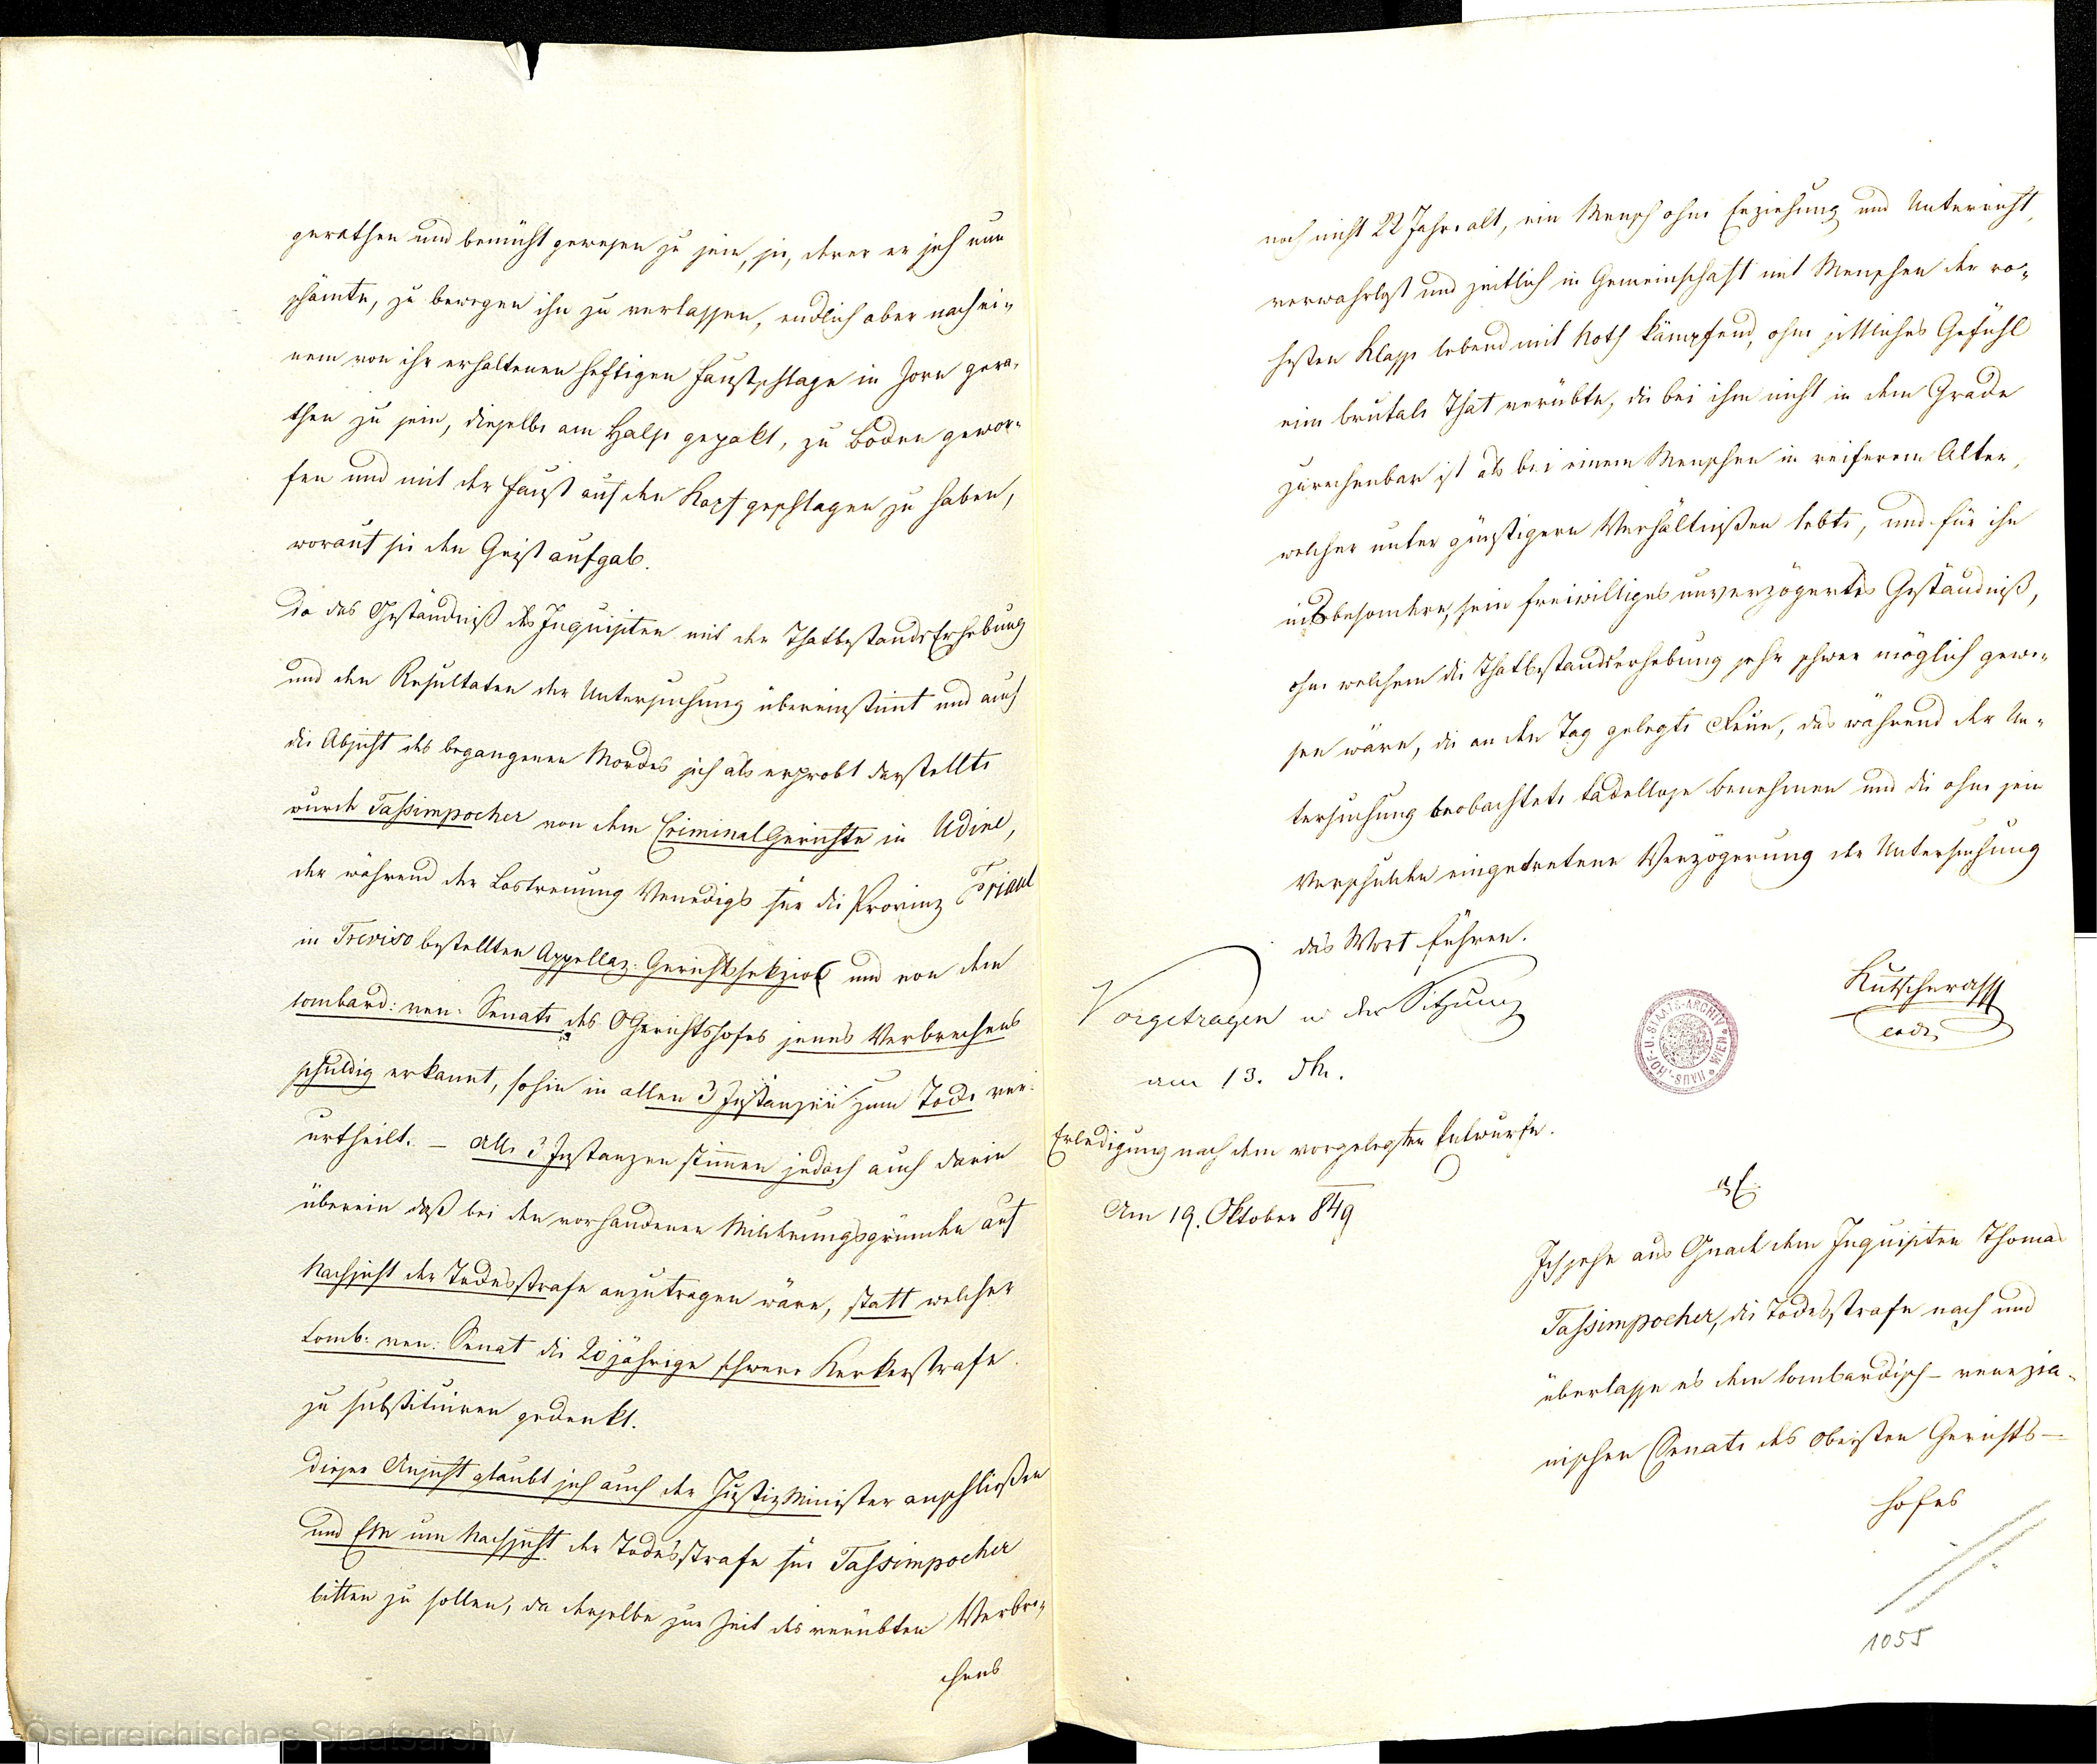gerathen und bemüht gewesen zu sein, sie, derer er xx nun
schämte, zu bewegen ihn zu verlassen, endlich aber nach ei¬
nem von ihr erhaltenen heftigen Hauxxschlage in Jorn gera¬
then zu sein, dieselbe am Halse gepakt, zu Boden gewor¬
fen und mit der Haust auf den Kopf geschlagen zu haben,
worauf sie den Geist aufgab.
Da das Geständniß des Jnquisiten mit der Thatbestands Erhebung
und den Resultten der Untersuchung übereinstimmt und auch
die Absicht des begangenen Mordes sich als erprobt darstellte
wurde Tassimpocher von dem Criminal Gerichte in Udine,
der während der Lostrenung Venedigs für die Provinz Friaul
in Treviso bestellten Appellaz: Gerichtssekzion und von dem
tombard. ren: Senate des Gerichtshofes jenes Verbrechens
schuldig erkannt, sohin in allen 3 Jnstanzen zum Tode ver¬
urtheilt.- Alle 3 Jnstanzen stimmen jedoch auch darin
überein daß bei den vorhandenen Milderungsgründen auf
Nachsicht der Todesstrafe anzutragen wäre, statt welcher
Lomb: ren: Senat die 20jährige schwere Kerkerstrafe
zu substituiren gedenkt.
Dieser Ansicht xxaubt sich auch der Justiz Minister anschließen
und EM um Nachsicht der Todesstrafe für Tassimpocher
bitten zu solle, da derselbe zur Zeit des verübten Werbre¬
chens
noch nicht 22 Jahre alt, ein Mensch ohne Erziehung und Unterricht,
verwahrlost und zeitlich in Gemeinschaft mit Menschen ihr ro¬
hesten Klasse lebend mit Roth Kämpfend, ohne sittliches Gefehl
eine brutale That errübte, die bei ihm nicht in dem Grade
zurechenbar ist als bei einem Menschen in weiherem Alter,
welcher unter günstigern Verhältnißen lebte, und für ihn
eisbesondere, sein freiwilliges unverzögertes Geständniß,
ohne welchem die Thatbestanderhebung sehr schwer möglich gewe¬
sen wäre, die an den Tag gelegte Feue, das während der Un¬
tersuchung beobachtete tadellose benehmen und die ohne sein
Verschulden eingetretene Verzögerung der Untersuchung
das Wort führen.
Vorgetragen in der Sitzung
am 13. xx.
Erledigung nach ihm vorgelegter Entwurfe.
Am. 19. Oktober 849
Lutscheraxx
xx
aE.
Jch sehe aus Gnade dem Jnquisiten Thomas
Tassimpocher, die Todesstrafe nach und
überlasse es dem lombardisch-venezia¬
nischen Cenate des obersten Gerichts¬
hofes
1055